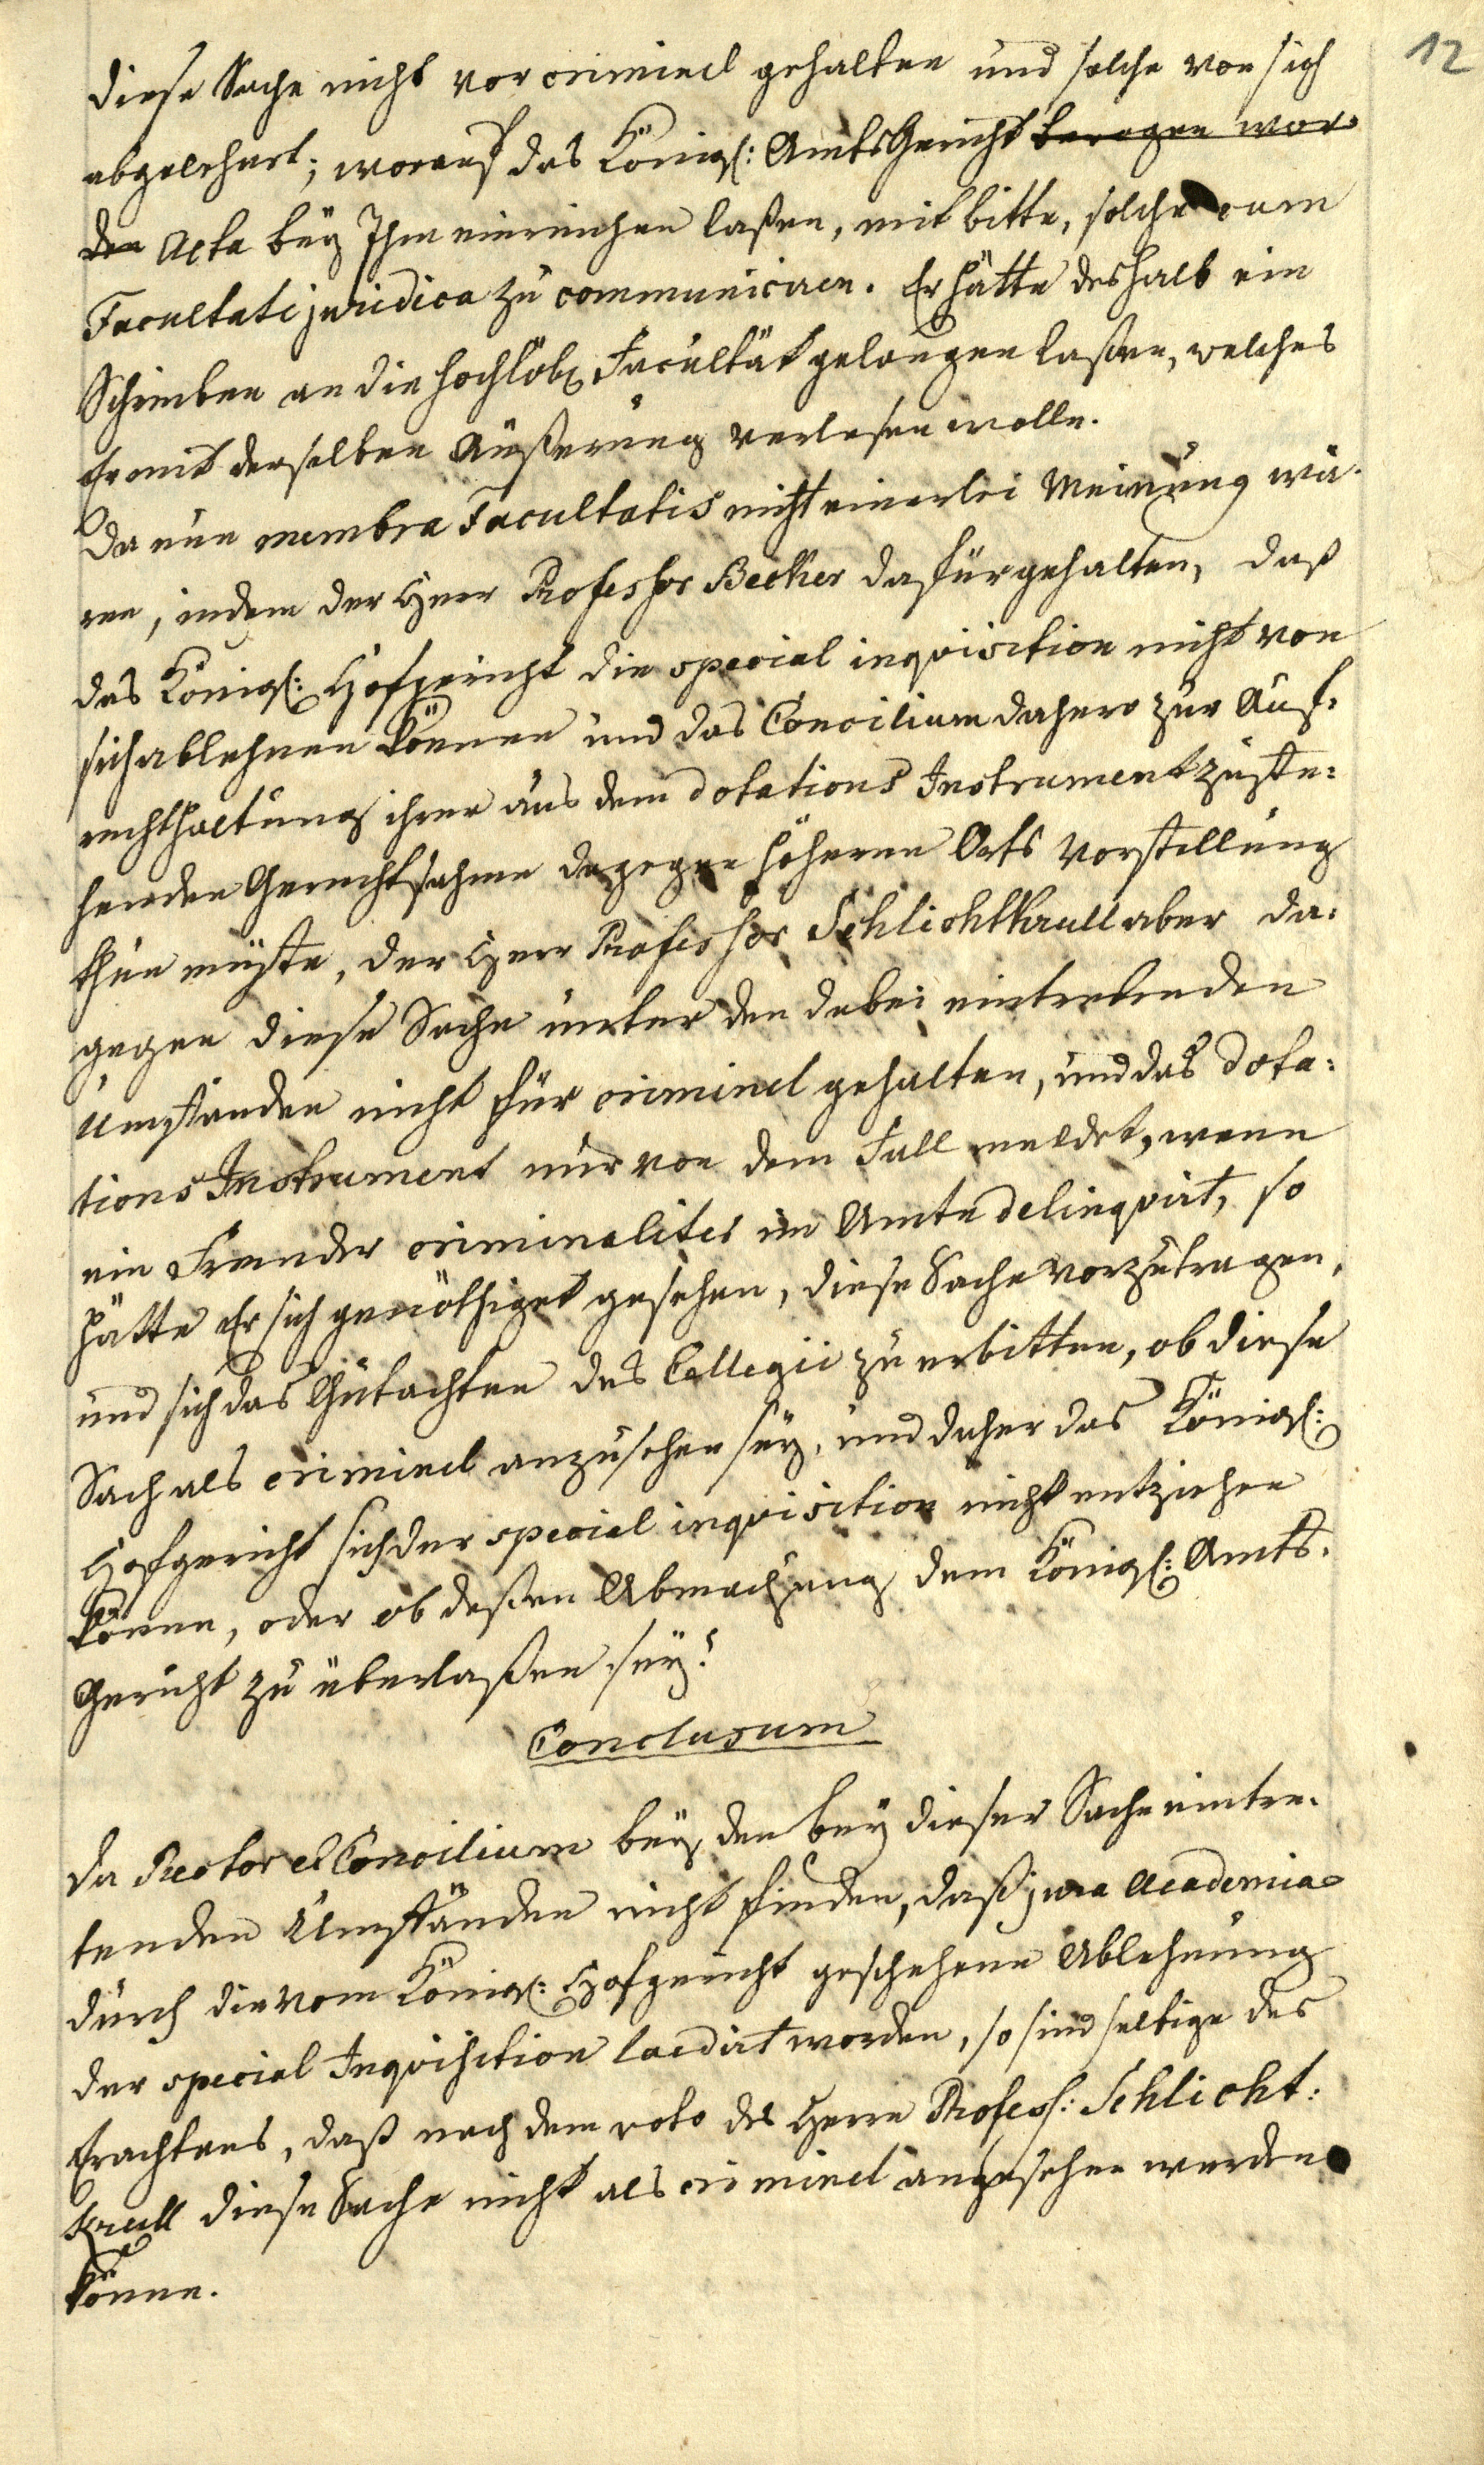diese Sache nicht vor criminel gehalten und solche von sich
abgelehnet; worauf des Königl. Amtsgericht
Acta beÿ Ihm einreichen laßen, mit Bitte, solche cum
Facultati juridica zu communiciren. Er hätte deshalb ein
Schreiben an die hochlöbl. Facultät gelangen laßen, welches
Er mit derselben Äußerung verlesen wolle.
da nun membra Facultatis nicht einerlei Meinung wä¬
ren, indem der Herr Professor Becker dafür gehalten, daß
das Königl. Hofgericht die spcial inquisition nicht von
sich ablehnen können und das Concilium dahero zur Auf¬
rechthaltung ihrer aus dem dotations Instrument zuste¬
henden Gerechtsahme dagegen höheren Orts Vorstellung
thun müste, der Herr Professor Schlichtkrull aber da¬
gegen diese Sache unter den dabei eintretenden
Umständen nicht für criminel gehalten, und das dota¬
tions Instrument nur von dem Fall meldet, wenn
ein Fremder criminaliter in Amte delinquirt, so
hätte Er sich genöthiget gesehen, diese Sache vorzutragen,
und sich das Gutachten des Collegii zu erbitten, ob diese
Sach als criminel anzusehen seÿ, und daher das Königl.
Hofgericht sich der special inquisition nicht entziehen
könne, oder ob deßen Abmachung, dem Königl. Amts¬
Gericht zu überlaßen seÿ?
Conclusum
Da Rector et Concilium beÿ den beÿ dieser Sache eintre¬
tenden Umständen nicht finden, daß jura Academiae
durch die vom Königl. Hofgericht geschehene Ablehnung
der special Inquisition laedirt worden, so sind selbige des
Erachtens, daß nach dem voto des Herrn Profess. Schlicht¬
krull diese Sache nicht als criminel angesehen werden
könne.